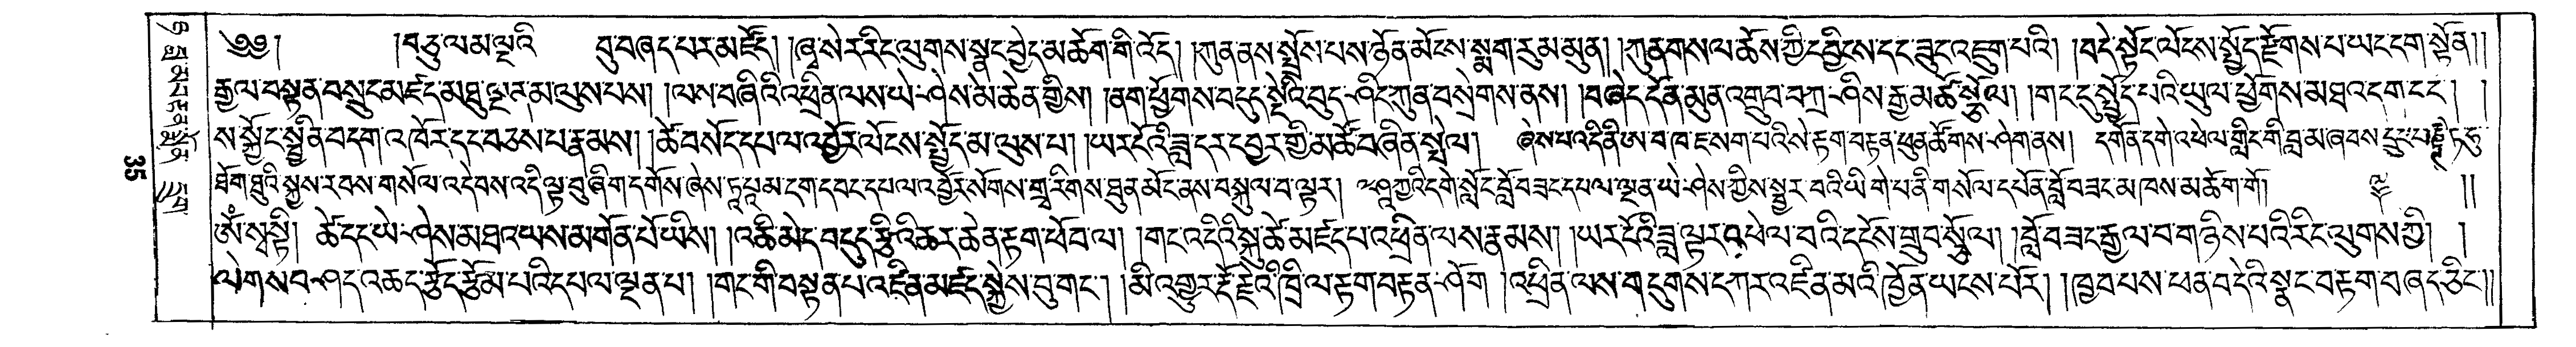༄༅། །བཅུ་ལམ་ལྔའི་འབྲས་བུ་བཞད་པར་མཛོད། །ཞྭ་སེར་རིང་ལུགས་སྣང་བྱེད་མཆོག་གི་འོད། །ཀུན་ནས་སྤྲོས་པས་ཉོན་མོངས་སྨག་རུམ་མུན། །ཀུན་གསལ་ཆོས་ཀྱི་དབྱིངས་དང་ཟུང་འཇུག་པའི། །བདེ་སྟོང་ལོངས་སྤྱོད་རྫོགས་པ་ཡང་དག་སྟོན།།
རྒྱལ་བསྟན་བསྲུང་མཛད་མཐུ་ལྡན་མ་ལུས་པས། །ལས་བཞིའི་འཕྲིན་ལས་ཡེ་ཤེས་མེ་ཆེན་གྱིས། །ནག་ཕྱོགས་བདུད་སྡེའི་བུད་ཤིང་ཀུན་བསྲེགས་ནས། །བཞེད་དོན་ཀུན་འགྲུབ་བཀྲ་ཤིས་རྒྱ་མཚོ་སྩོལ། །གང་དུ་སྤྱོད་པའི་ཡུལ་ཕྱོགས་མཐའ་དག་དང།། །
ས་སྐྱོང་སྦྱིན་བདག་འཁོར་དང་བཅས་པ་རྣམས། །ཚེ་བསོད་དཔལ་འབྱོར་ལོངས་སྤྱོད་མ་ལུས་པ། །ཡར་ངོའི་ཟླ་དང་དབྱར་གྱི་མཚོ་བཞིན་སྤེལ། ཞེས་པ་འདི་ནི་ཨ་བ་ཁ་ཇ་སག་པའི་སེ་རྟག་བརྟན་ཕུན་ཚོགས་ཤོག་ནས། དགོན་དགེ་འཕེལ་གླིང་གི་བླ་མ་ཞབས་དྲུང་པཎྜི་ཏ་ཧུ་
ཐོག་ཐུའི་སྐྱེས་རབས་གསོལ་འདེབས་འདི་ལྟ་བུ་ཞིག་དགོས་ཞེས་ཏཱ་བླ་མ་ངག་དབང་དཔལ་འབྱོར་སོགས་གྲྭ་རིགས་ཐུན་མོང་ནས་བསྐུལ་བ་ལྟར། ༧་ཤཱཀྱའི་དགེ་སློང་བློ་བཟང་དཔལ་ལྡན་ཡེ་ཤེས་ཀྱིས་སྦྱར་བའི་ཡི་གེ་བ་ནི་གསོལ་དཔོན་བློ་བཟང་མཁས་མཆོག་གོ། ༈ །།
ཨོཾ་སྭསྟི། ཚེ་དང་ཡེ་ཤེས་མཐའ་ཡས་མགོན་པོ་ཡིས། །འཆི་མེད་བདུད་རྩིའི་ཆར་ཆེན་རྟག་ཕོབ་ལ། །གང་འདིའི་སྐུ་ཚེ་མཛད་པ་འཕྲིན་ལས་རྣམས། །ཡར་ངོའི་ཟླ་ལྟར་འཕེལ་བའི་དངོས་གྲུབ་སྩོལ། །བློ་བཟང་རྒྱལ་བ་གཉིས་པའི་རིང་ལུགས་ཀྱི། །
ལེགས་བཤད་འཆད་རྩོད་རྩོམ་པའི་དཔལ་ལྡན་པ། །གང་གི་བསྟན་པ་འཛིན་མཛད་སྐྱེས་བུ་གང་། །མི་འགྱུར་རྡོ་རྗེའི་ཁྲི་ལ་རྟག་བརྟན་ཤོག །འཕྲིན་ལས་གདུགས་དཀར་འཛིན་མའི་ཁྱོན་ཡངས་པོར། །ཁྱབ་པས་ཕན་བདེའི་སྣང་བརྟག་བཞད་ཅིང།།